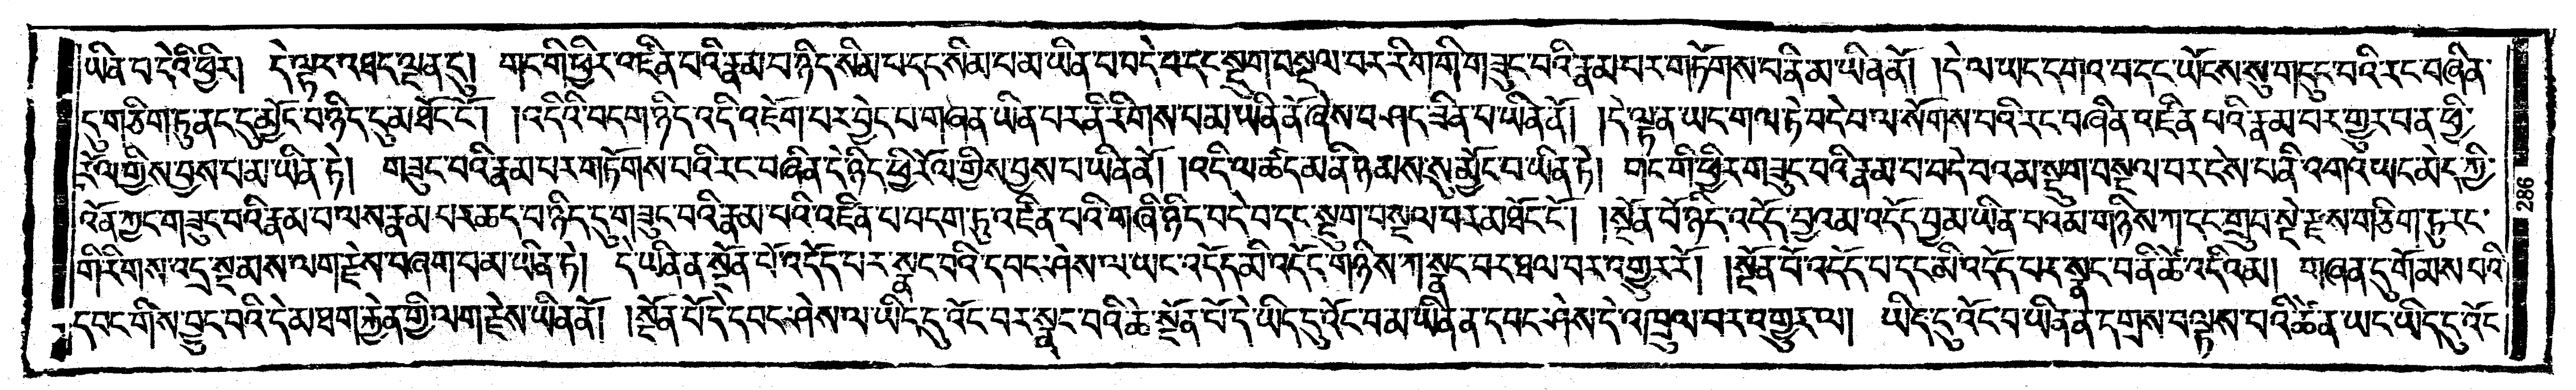ཡིན་པ་དེའི་ཕྱིར། དེ་ལྟར་འཐད་ལྡན་དུ། གང་གི་ཕྱིར་འཛིན་པའི་རྣམ་པ་ཉིད་སིམ་པ་དང་སིམ་པ་མ་ཡིན་པ་བདེ་བ་དང་སྡུག་བསྔལ་བར་རིག་གི་གཟུང་བའི་རྣམ་པར་གཏོགས་པ་ནི་མ་ཡིན་ནོ། །དེ་ལ་ཡང་དགའ་བ་དང་ཡོངས་སུ་གདུང་བའི་རང་བཞིན་
དུ་གཅིག་ཏུ་ནང་དུ་མྱོང་བ་ཉིད་དུ་མཐོང་ངོ། །འདིའི་བདག་ཉིད་འདི་འཇོག་པར་བྱེད་པ་གཞན་ཡིན་པར་ནི་རིགས་པ་མ་ཡིན་ནོ་ཞེས་བཤད་ཟིན་པ་ཡིན་ནོ། །དེ་ལྟ་ན་ཡང་གལ་ཏེ་བདེ་བ་ལ་སོགས་པའི་རང་བཞིན་འཛིན་པའི་རྣམ་པར་གྱུར་པ་ན་ཕྱི་
རོལ་གྱིས་བྱས་པ་མ་ཡིན་ཏེ། གཟུང་བའི་རྣམ་པར་གཏོགས་པའི་རང་བཞིན་དེ་ཉིད་ཕྱི་རོལ་གྱིས་བྱས་པ་ཡིན་ནོ། །འདི་ལ་ཚད་མ་ནི་ཉམས་སུ་མྱོང་བ་ཡིན་ཏེ། གང་གི་ཕྱིར་གཟུང་བའི་རྣམ་པ་བདེ་བའམ་སྡུག་བསྔལ་བར་ངེས་པ་ནི་འགའ་ཡང་མེད་ཀྱི་
འོན་ཀྱང་གཟུང་བའི་རྣམ་པ་ལས་རྣམ་པར་ཆད་པ་ཉིད་དུ་གཟུང་བའི་རྣམ་པའི་འཛིན་པ་བདག་ཏུ་འཛིན་པའི་གཞི་ཉིད་བདེ་བ་དང་སྡུག་བསྔལ་བར་མཐོང་ངོ། །སྔོན་པོ་ཉིད་འདོད་བྱའམ་འདོད་བྱ་མ་ཡིན་པའམ་གཉིས་ཀ་དང་གྲུབ་སྡེ་རྫས་གཅིག་ཏུ་རང་
གི་རིགས་འདྲ་སྔ་མས་ལག་རྗེས་བཞག་པ་མ་ཡིན་ཏེ། དེ་ཡིན་ན་སྔོན་པོ་འདོད་པར་སྣང་བའི་དབང་ཤེས་ལ་ཡང་འདོད་མི་འདོད་གཉིས་ཀ་སྣང་བར་ཐལ་བར་འགྱུར་རོ། །སྔོན་པོ་འདོད་པ་དང་མི་འདོད་པར་སྣང་བ་ནི་ཚེ་འདིའམ། གཞན་དུ་གོམས་པའི་
དབང་གིས་བྱུང་བའི་དེ་མ་ཐག་རྐྱེན་གྱི་ལག་རྗེས་ཡིན་ནོ། །སྔོན་པོ་དེ་དབང་ཤེས་ལ་ཡིད་དུ་འོང་བར་སྣང་བའི་ཚེ་སྔོན་པོ་དེ་ཡིད་དུ་འོང་བ་མ་ཡིན་ན་དབང་ཤེས་དེ་འཁྲུལ་བར་འགྱུར་ལ། ཡིད་དུ་འོང་བ་ཡིན་ན་དགྲས་བལྟས་པའི་ཚེ་ན་ཡང་ཡིད་དུ་འོང་